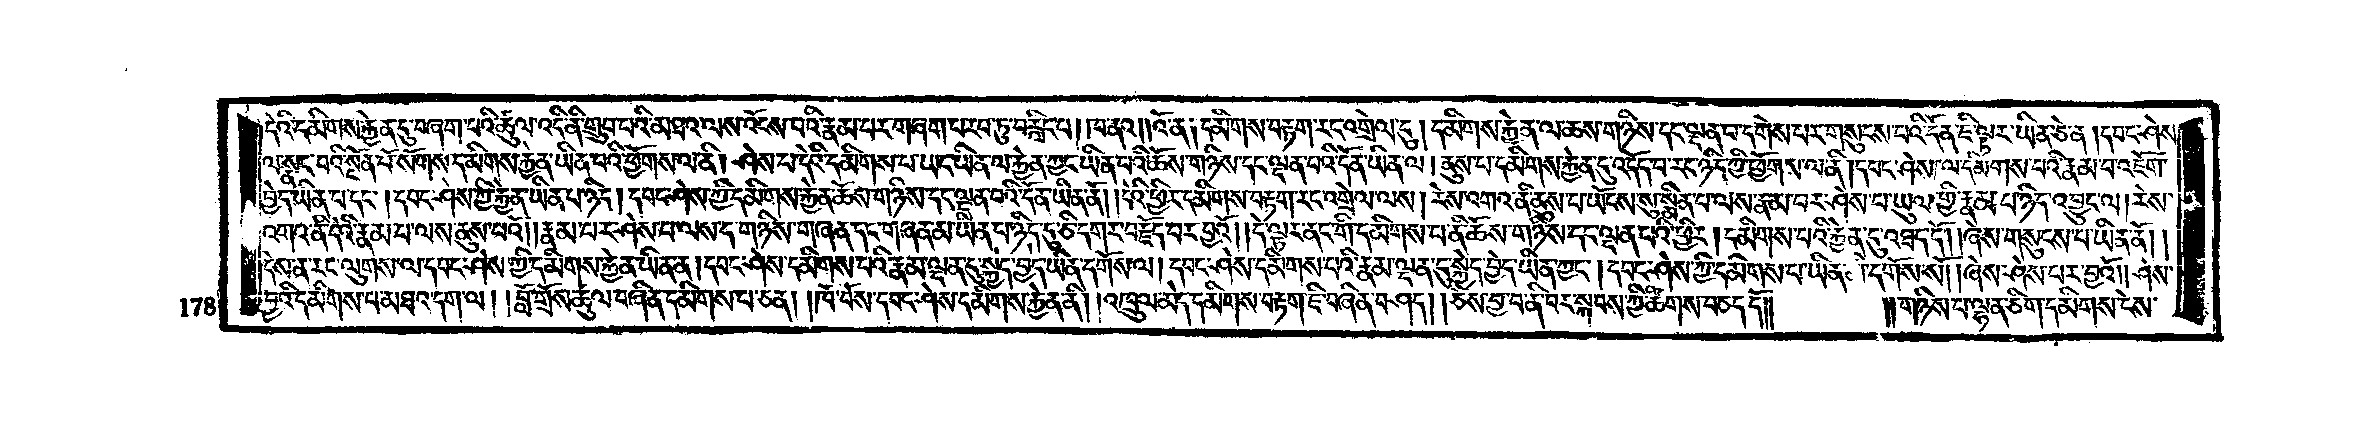དེའི་དམིགས་རྐྱེན་དུ་བཞག་པའི་ཚུལ་འདི་ནི་གྲུབ་པའི་མཐའ་ལས་འོངས་བའི་རྣམ་པར་གཞག་པ་རབ་ཏུ་བརླིང་པ། ཁོ་ནའོ། །འོ་ན༑ དམིགས་བརྟག་རང་འགྲེལ་དུ། དམིགས་རྐྱེན་ལ་ཆོས་གཉིས་དང་ལྡན་པ་དགོས་པར་གསུངས་པའི་དོན་ཇི་ལྟར་ཡིན་ཅེ་ན། དབང་ཤེས་
ལ་སྣང་བའི་སྔོན་པོ་སོགས་དམིགས་རྐྱེན་ཡིན་པའི་ཕྱོགས་ལ་ནི། ཤེས་པ་དེའི་དམིགས་པ་ཡང་ཡིན་ལ་རྐྱེན་ཀྱང་ཡིན་པའི་ཆོས་གཉིས་དང་ལྡན་པའི་དོན་ཡིན་ལ། ནུས་པ་དམིགས་རྐྱེན་དུ་འདོད་པ་རང་ཉིད་ཀྱི་ཕྱོགས་ལ་ནི། དབང་ཤེས་ལ་དམིགས་པའི་རྣམ་པ་འཇོག་
བྱེད་ཡིན་པ་དང་། དབང་ཤེས་ཀྱི་རྐྱེན་ཡིན་པ་ཉིད། དབང་ཤེས་ཀྱི་དམིགས་རྐྱེན་ཆོས་གཉིས་དང་ལྡན་པའི་དོན་ཡིན་ནོ། །དེའི་ཕྱིར་དམིགས་བརྟག་རང་འགྲེལ་ལས། རེས་འགའ་ནི་ནུས་པ་ཡོངས་སུ་སྨིན་པ་ལས་རྣམ་པར་ཤེས་པ་ཡུལ་གྱི་རྣམ་པ་ཉིད་འབྱུང་ལ། རེས་
འགའ་ནི་དེའི་རྣམ་པ་ལས་ནུས་པའོ། །རྣམ་པར་ཤེས་པ་ལས་དེ་གཉིས་གཞན་དང་གཞན་མ་ཡིན་པ་ཉིད་དུ་ཅི་དགར་བརྗོད་པར་བྱའོ། །དེ་ལྟར་ནང་གི་དམིགས་པ་ནི་ཆོས་གཉིས་དང་ལྡན་པའི་ཕྱིར། དམིགས་པའི་རྐྱེན་དུ་འཐད་དོ། །ཞེས་གསུངས་པ་ཡིན་ནོ། །
དེས་ན་རང་ལུགས་ལ་དབང་ཤེས་ཀྱི་དམིགས་རྐྱེན་ཡིན་ན། དབང་ཤེས་དམིགས་པའི་རྣམ་ལྡན་དུ་སྐྱེད་བྱེད་ཡིན་དགོས་ལ། དབང་ཤེས་དམིགས་པའི་རྣམ་ལྡན་དུ་སྐྱེད་བྱེད་ཡིན་ཀྱང་། དབང་ཤེས་ཀྱི་དམིགས་པ་ཡིན་མི་དགོས་སོ། །ཞེས་ཤེས་པར་བྱའོ། །ཤེས་
བྱའི་དམིགས་པ་མཐའ་དག་ལ། །བློ་གྲོས་ཚུལ་བཞིན་དམིགས་པ་ཅན། །ཁོ་བོས་དབང་ཤེས་དམིགས་རྐྱེན་ནི། །འཁྲུལ་མེད་དམིགས་བརྟག་ཇི་བཞིན་བཤད། །ཅེས་བྱ་བ་ནི་བར་སྐབས་ཀྱི་ཚིགས་བཅད་དོ།། །།གཉིས་པ་ལྷན་ཅིག་དམིགས་ངེས་